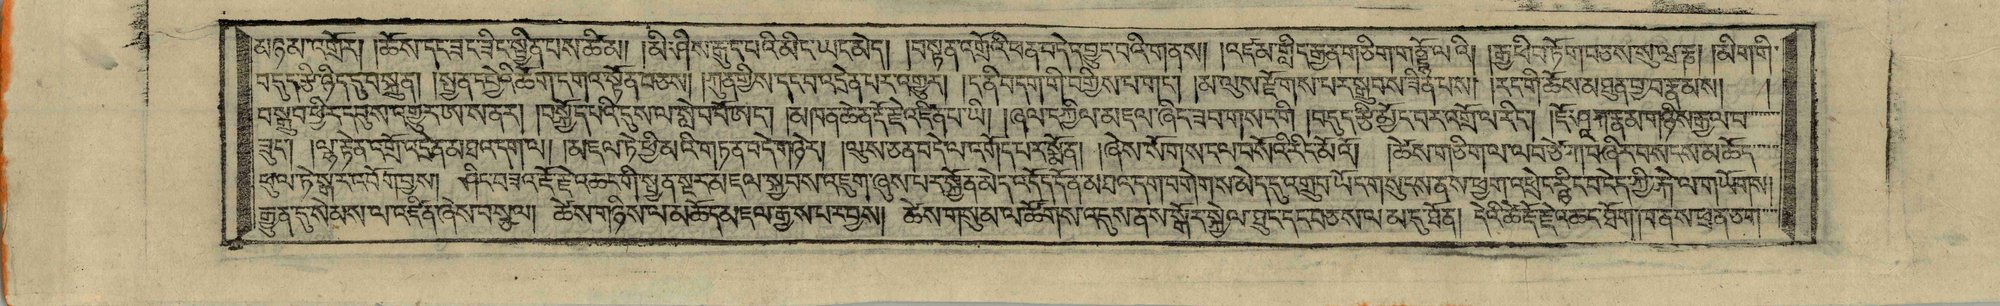མཉམ་འགྲོར། །ཆོས་དང་ཟང་ཟིང་སྦྱིན་པས་ཚིམ། །མི་ཤིས་རྒུད་པའི་མིང་ཡང་མེད། །བསྟན་འགྲོའི་ཕན་བདེ་འབྱུང་བའི་གནས། །འཛམ་གླིང་རྒྱན་གཅིག་གནྡྷོ་ལའི། །རྒྱ་ཕིབ་ཏོག་བཅས་སུ་ལྭ་རྞ། །མིག་གི་
བདུད་རྩི་ཉིད་དུ་བསྐྲུན། །སྤྱན་དབྱེའི་ཆོག་དགའ་སྟོན་བཅས། །ཀུན་གྱིས་དང་བ་འདྲེན་པར་འགྱུར། །ད་ནི་བདག་གི་བགྱིས་པ་གང་། །མ་ལུས་རྫོགས་པར་སྒྲུབས་ཟིན་པས། །རང་གི་ཆོས་མཐུན་བྱ་བ་རྣམས། །
བསྒྲུབ་ཕྱིར་དབུས་འགྱུར་ཨ་ས་ནར། །བསྐྱོད་པའི་དུས་ལ་སླེབ་པོ་ཨང་། །མཁན་ཆེན་རྡོ་རྗེ་འཛིན་པ་ཡི། །ཞལ་དཀྱིལ་མཇལ་ཞིང་ཟབ་གསང་གི །བདུད་རྩི་མྱོང་བར་འགྲོ་ལ་རིང་། །ཇོ་ཤཱཀ་རྣམ་གཉིས་རྒྱལ་བ་
ཟུང་། །ལྷ་རྟེན་འགྲོ་འདྲེན་མཐའ་དག་ལ། །མཇལ་ཏེ་ཕྱི་མའི་གཏན་བདེ་གཉེར། །ལུས་ཅན་བདེ་ལ་འགོད་པར་སྨོན། །ཞེས་སོགས་ངལ་བསོའི་རིང་མོའི། །ཚེས་གཅིག་ལ་ལབ་ཙེ་ཀ་བཞིར་བ་སངས་མཆོད་
ཕུལ་ཏེ་སྒར་འབོག་བྱས། ཤིང་བཟའ་རྡོ་རྗེ་འཆང་གི་སྤྱན་སྔར་མཇལ་སྐྱབས་འཇུག་ཞུས་པར་སྐྱོན་མེད་འདོད་དོན་མཐའ་དག་བགེགས་མེད་དུ་འགྲུབ་ཡོང་གསུངས་ནས་ཕྱག་འཕྲེང་རྙིང་པ་ངེད་ཀྱི་རྐེ་ལ་གཡོགས།
རྒྱུན་དུ་སེམས་ལ་འཛིན་ཞེས་བསྩལ། ཚེས་གཉིས་ལ་མཆོད་མཇལ་རྒྱས་པར་བྱས། ཚེས་གསུམ་ལ་ཚོགས་འདུས་ནས་སྒོར་སྐྱེལ་ཐུང་དང་བཅས་ལམ་དུ་ཐོན། དེའི་ཚེ་རྡོ་རྗེ་འཆང་ཐོག་ཁ་ནས་ཕྲན་ཅག་